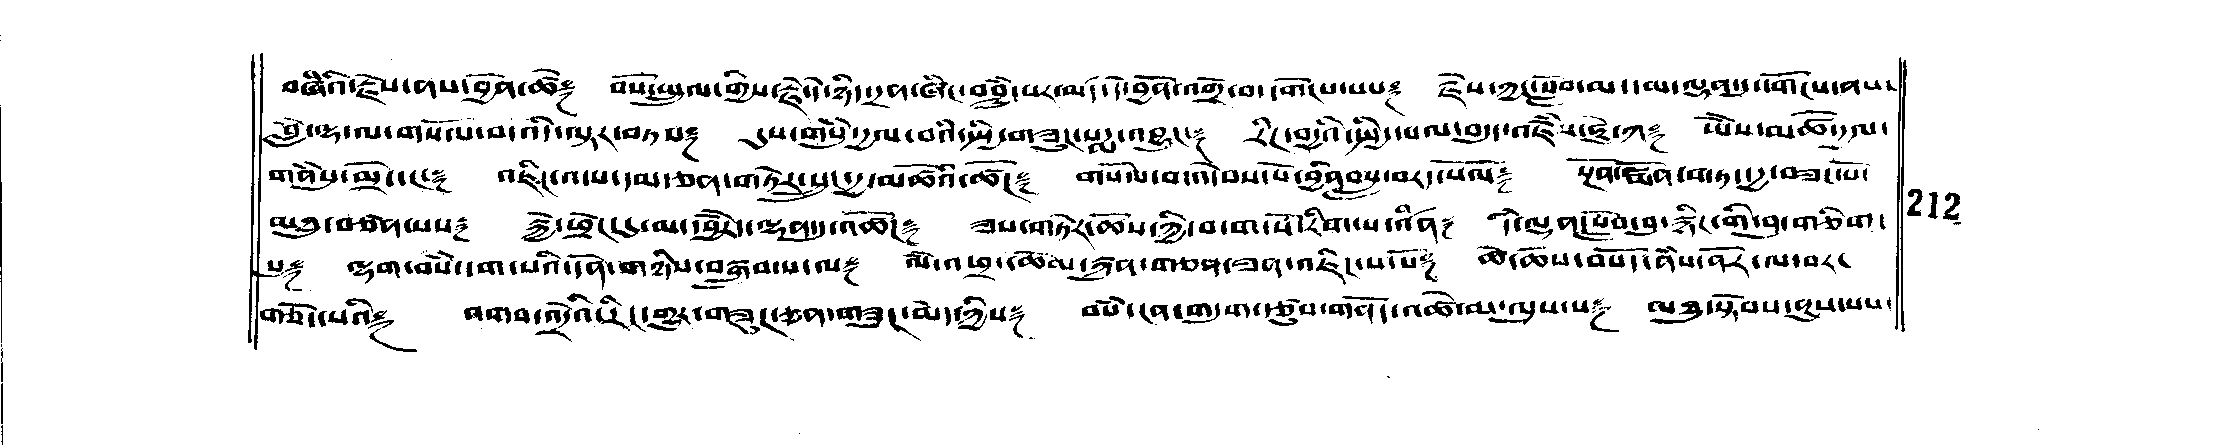གཞིའི་རྗེས་ནས་བྱོན་ཚེ། བསོ་སྤྲུལ་གྱིས་རྗེ་དེ་ཉིད་དྲན་ཞིང་བཤུམ་པར་མཛད་དེ་བྱོན་འགྲོ་བ་དགོངས་པས། རྗེས་ཀྱང་སློབ་མ་དམ་ལྡན་དུ་དགོངས་ནས་
བླ་མ་ལྷ་ལ་གསོལ་བ་འདི་ལྟར་བཏབ། དུས་གསུམ་རྒྱལ་བའི་སྤྱི་གཟུགས་པདྨ་འབྱུང་། །རིགས་བརྒྱའི་སྤྱི་དཔལ་བདུད་འཇོམས་ཧེ་རུ་ཀ །ཡེ་ཤེས་མཚོ་རྒྱལ་
གནས་སུ་མཁའ་འགྲོ་དང་། །འཇིགས་འདས་དམ་ཅན་གཏེར་སྲུང་རྒྱ་མཚོའི་ཚོགས། །གསོལ་བ་འདེབས་སོ་བྱིན་རླབས་བར་ཆད་སོལ། །སྔོན་སྨོན་གཏད་རྒྱ་བཟང་པོ་
མཐུ་བཙན་པས། །སྐྱེ་ཕྲེང་དུ་མ་དབྱེར་མེད་ལྷན་དུ་འཚོགས། །ཟབ་གཏེར་ཆོས་ཀྱི་བདག་པོ་རིག་པ་འཛིན། །དམ་ལྡན་སློབ་བུ་སྙིང་གི་བུ་གཅིག་
པུ། །ལྷག་བསམ་དག་པའི་དོན་གཉིས་བསྒྲུབ་པ་ལ། །ལམ་འཕྲང་ཆོམ་རྐུན་གཅན་ཟན་འཇིགས་པ་སོགས། །ཚེ་ཆོས་བསོད་ནམས་ནོར་ལ་བར་
གཅོད་པའི། །འགབ་འདྲེའི་རིགས་གྱུར་གཟུགས་ཅན་གཟུགས་མེད་ཀྱིས། །བསམ་ངན་གདུག་རྩུབ་གནོད་འཚེ་མ་ལུས་པ། །མཐུ་སྟོབས་ནུས་པས་